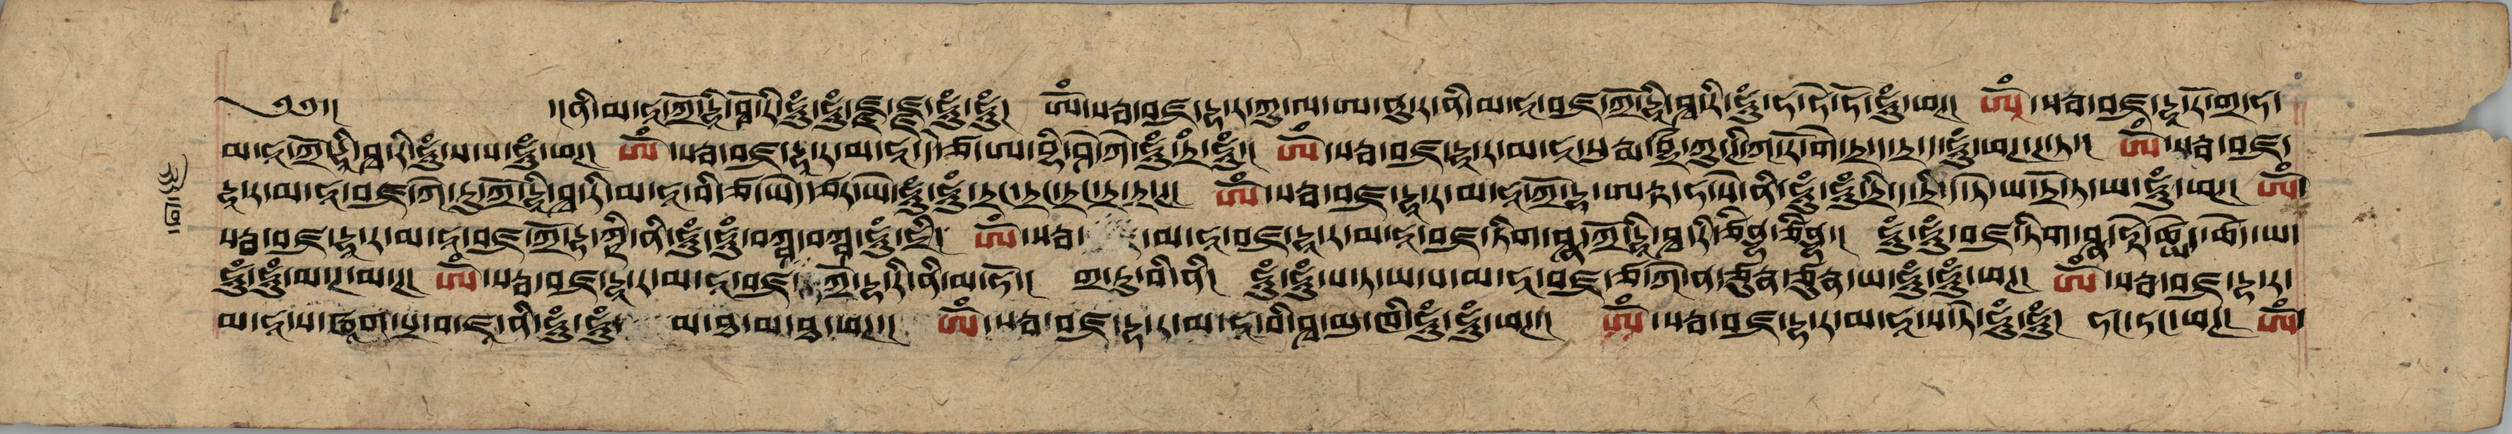༄༅་། ་།ནི་མ་ཧཱ་ཀྲོ་དྷི་ཤྭོ་རི་ཧཱུཾ་ཧཱུཾ་ཛྫ་ཛྫ་ཧཱུཾ་ཧཱུཾ། ཨོཾ་སརྦ་བཛྲ་དྷ་ར་ཀུ་ལ་ཨ་ནུ་ར་ནི་མ་ཧཱ་བཛྲ་ཀྲོ་དྷཱི་ཤྭ་རི་ཧཱུཾཧ་ཧེ་ཧོ་ཧཱུཾ་ཕཊ། ཨོཾ་སརྦ་བཛྲ་དྷཱ་ར་གྲོ་ཧ་
མ་ཀཱ་ཀྲོ་དྷཱི་ཤྭ་རི་ཧཱུཾ་ས་ས་ཧཱུཾ་ཕཊ། ཨོཾ་སརྦ་བཛྲ་དྷ་ར་མ་ཧཱ་དེ་ཙ་ཨ་བྷི་ཤེ་ཀེ་ཧཱུཾ་ཏྲཾ་ཧཱུཾ་། ཨོཾ་སརྦ་བཛྲ་དྷཱ་ར་མ་ཧཱ་སུརྨ་བྷྲྀ་ཀུ་ཊི་ཀ་རོ་གེ་ཏྲ་ད་ཏྲ་ད་ཧཱུཾ་ཕཊ་ཊ་ཏ་། ཨོཾ་སརྦ་བཛྲ་
དྷཱ་ར་མ་ཧཱ་བཛྲ་ཀེ་རུ་ཀྲོ་དྷཱི་ཤྭ་རི་མ་ཧཱ་བི་ཙ་ཡེད་ཙར་ཡེ་ཧཱུཾ་ཧཱུཾ་ཏྲང་ཏྲང་ཏྲང་ཏྲང་ཏྲ་ཏྲ་ཊ། ཨོཾ་སརྦ་བཛྲ་དྷཱ་ར་མ་ཧཱ་ཀྲོ་དྷ་ཨརྟ་ཧ་སེ་ནི་ཧཱུཾ་ཧཱུཾ་ཏྲི་དཏྲི་ད་ཏྲི་ཏེ་ཡ་ཏྲོ་ཏ་ཡ་ཧཱུཾ་ཕཊ། ཨོཾ་
སརྦ་བཛྲ་དྷཱ་ར་མ་ཧཱ་བཛྲ་ཀྲོ་དྷ་ཀྵི་ནི་ཧཱུཾ་ཧཱུཾ་བཀྵ་བཀྵ་ཧཱུཾ་ཧྲི། ཨོཾ་སརྦ་མ་ཧཱ་བཛྲ་དྷཱ་ར་མ་ཧཱ་བཛྲ་ཏིག་ཤྣ་ཀྲོ་དྷཱི་ཤྭ་རི་ཙིནྡྷ་ཙིནྡྷ་། ཧཱུཾ་ཧཱུཾ་བཛྲ་ཏིག་ཤྣ་ཧྟེ་ཚྱེད་ཚེད་ཡ་
ཧཱུཾ་ཧཱུཾ་མ་ཊ་མ་ཊ། ཨོཾ་སརྦ་བཛྲ་དྷཱ་ར་མ་ཧཱ་ཀྲོ་དྷ་རི་ནི་མ་ཧོ་། གྲ་ཏུ་བི་ནི། ཧཱུཾ་ཧཱུཾ་པ་ཏ་ཡ་པ་མ་ཧཱ་བཛྲ་ཙ་ཀེ་ན་ཙུརྣ་ཙུརྣ་ཧཱུཾ་ཧཱུཾ་ཕཊ། ཨོཾ་སརྦ་བཛྲ་དྷ་ར་
མ་ཧཱ་ས་ཝཱག་པྲ་བ་ཛཱ་ནི་ཧཱུཾ་ཧཱུཾ་ མ་ཐ་མ་ཐ་ཕཊ་། ཨོཾ་སརྦ་བཛྲ་དྷ་ར་མ་ཧཱ་བི་ཤྭ་མུ་ཁི་ཧཱུཾ་ཧཱུཾ་ཕཊ་། ཨོཾ་སརྦ་བཛྲ་དྷ་ར་མ་ཧཱ་པ་ཏེ་ཧཱུཾ་ཧཱུཾ། ཧང་ཧང་ཕཊ། ཨོཾ་